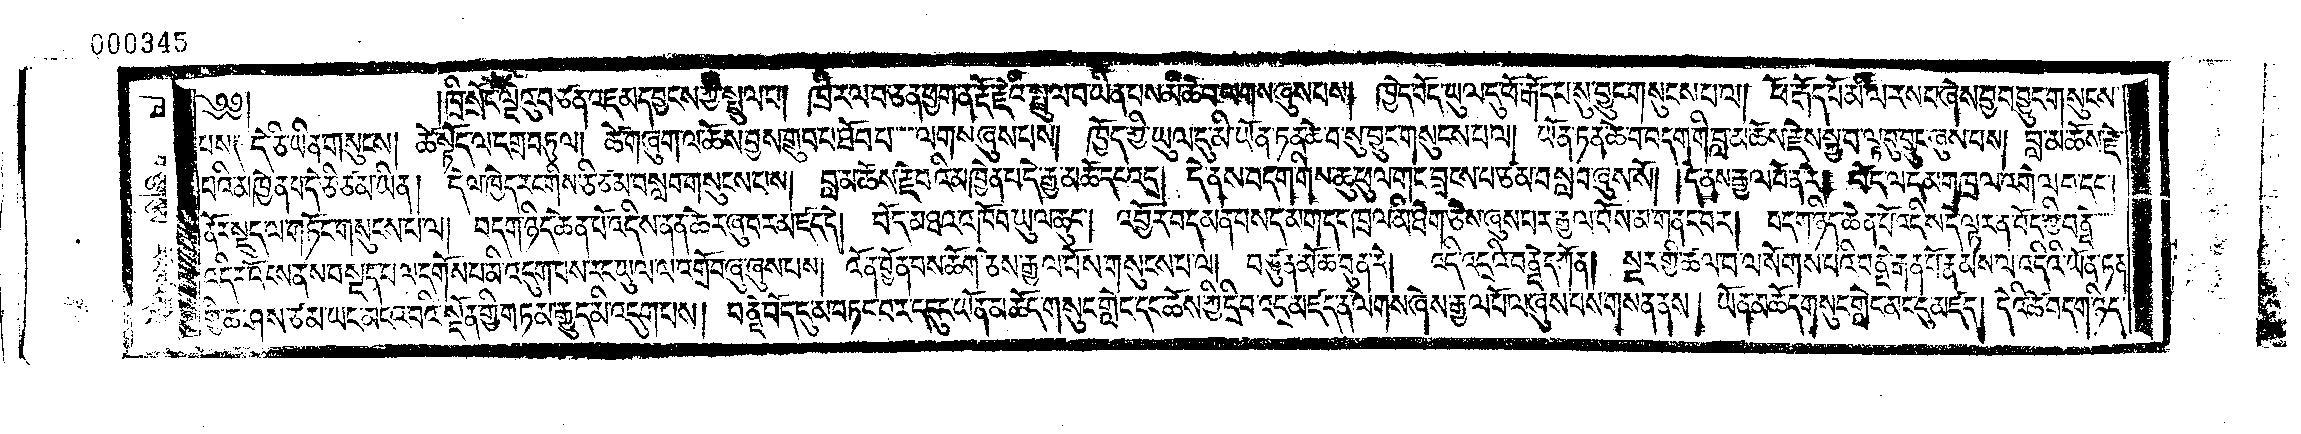༄༅། །ཁྲི་སྲོང་ལྡེའུ་བཙན་འཇམ་དབྱངས་ཀྱི་སྤྲུལ་པ། ཁྲི་རལ་པ་ཅན་ཕྱག་ན་རྡོ་རྗེའི་སྤྲུལ་པ་ཡིན་པས་མི་ཆེ་པ་ལགས་ཞུས་པས། ཁྱེད་བོད་ཡུལ་དུ་ཕོ་རྒོད་པ་སུ་བྱུང་གསུངས་པ་ལ། ཕོ་རྒོད་པོ་མི་ལ་རས་པ་ཞེས་བྱ་བ་བྱུང་གསུངས་
པས། དེ་ཅི་ཡིན་གསུངས། ཚེ་སྟོད་ལ་དགྲ་བཏུལ། ཚེ་གཞུག་ལ་ཆོས་བྱས་གྲུབ་པ་ཐོབ་པ་ལགས་ཞུས་པས། ཁྱོད་ཀྱི་ཡུལ་དུ་མི་ཡོན་ཏན་ཆེ་བ་སུ་བྱུང་གསུངས་པ་ལ། ཡོན་ཏན་ཆེ་བ་བདག་གི་བླ་མ་ཆོས་རྗེས་སྐྱ་པ་ལྟ་བུ་བྱུང་ཞུས་པས། བླ་མ་ཆོས་རྗེ་
པའི་མཁྱེན་པ་དེ་ཅི་ཙམ་ཡིན། དེ་ལ་ཁྱེད་རང་གིས་ཅི་ཙམ་བསླབ་གསུངས་པས། བླ་མ་ཆོས་རྗེ་པའི་མཁྱེན་པ་དེ་རྒྱ་མཚོ་དང་འདྲ། དེ་ནས་བདག་གིས་ཆུ་ཕུལ་གང་བླངས་པ་ཙམ་བསླབ་ཞུས་སོ། །དེ་ནས་རྒྱལ་པོ་ན་རེ། བོད་ལ་དམག་ཁྲལ་འགྲེལ་བ་དང་།
ནོར་སྡུད་ལ་གཏོང་གསུངས་པ་ལ། བདག་ཉིད་ཆེན་པོ་འདིས་ནན་ཆེར་ཞུ་བར་མཛད་དེ། བོད་མཐའ་འཁོབ་ཡུལ་ཆུང་། འབྱོར་བ་དམན་པས་དམག་དང་ཁྲལ་མི་ཐེག་ཅེས་ཞུས་པར་རྒྱལ་པོས་མ་གནང་བར། བདག་ཉིད་ཆེན་པོ་འདིས་དེ་ལྟར་ན་བོད་ཀྱི་བནྡེ་
འདིར་འོངས་ནས་བསྡད་པ་ལ་དགོས་པ་མི་འདུག་པས་རང་ཡུལ་ལ་འགྲོ་བ་ཞུ་ཞུས་པས། འོ་ན་བྱོན་པས་ཆོག་ཅེས་རྒྱལ་པོས་གསུངས་པ་ལ། བཙུན་མོ་ཆ་བུ་ན་རེ། འདི་འདྲའི་བནྡེ་དཀོན། སྔར་གྱི་ཚལ་པ་ལ་སོགས་པའི་བནྡྷེ་རྒན་པོ་རྣམས་ལ་འདིའི་ཡོན་ཏན་
གྱི་ཆ་ཤས་ཙམ་ཡང་མངའ་བའི་སྔོན་གྱི་གཏམ་རྒྱུད་མི་འདུག་པས། བནྡེ་བོད་དུ་མེ་བཏང་བར་ད་དུང་ཡོན་མཆོད་གསུང་གླེང་དང་ཆོས་ཀྱི་དྲི་བ་འདྲ་མཛད་ན་ལེགས་ཞེས་རྒྱལ་པོ་ལ་ཞུས་པས་གསན་ནས། ཡོན་མཆོད་གསུང་གླེང་མང་དུ་མཛད། དེའི་ཚེ་བདག་ཉིད་